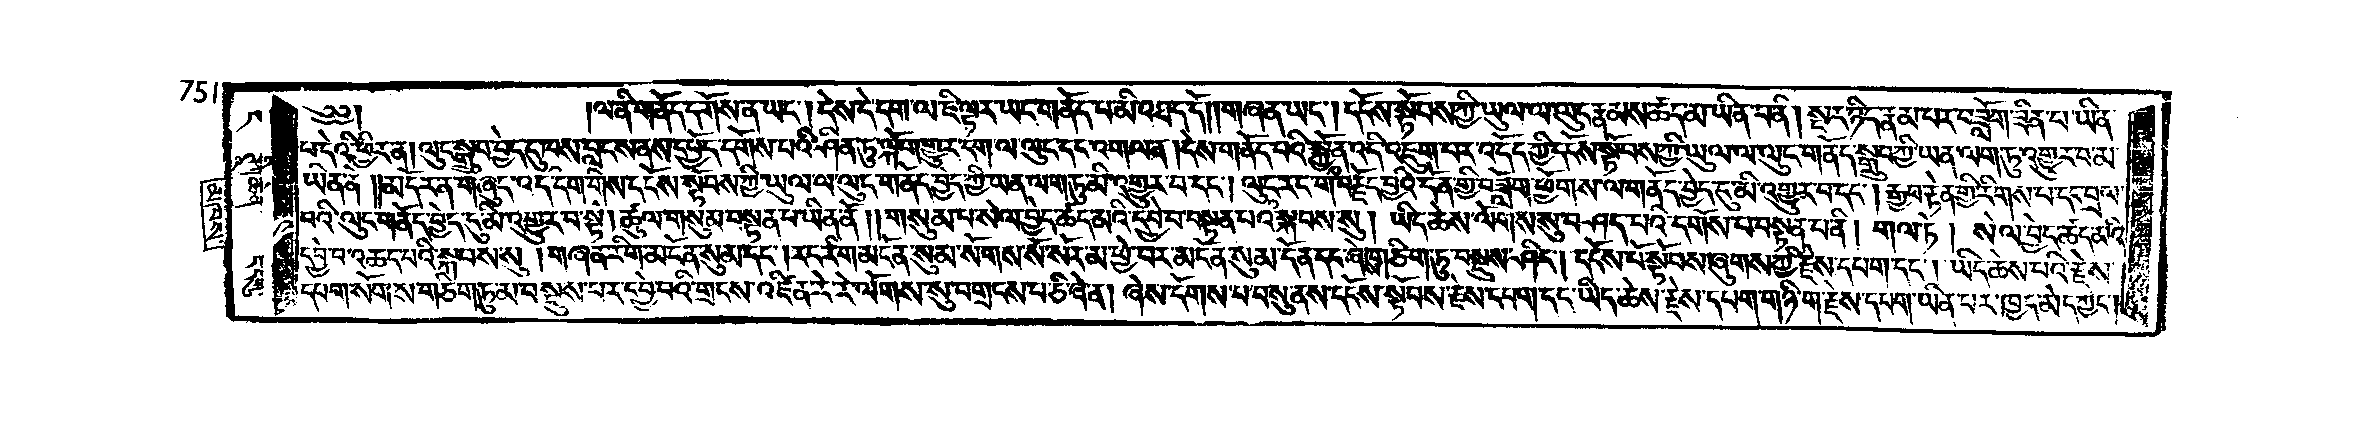༄༅། །ལ་ནི་གནོད་དགོས་ན་ཡང་། དེས་དེ་དག་ལ་ཇི་ལྟར་ཡང་གནོད་པ་མི་འཐད་དོ། །གཞན་ཡང་། དངོས་སྟོབས་ཀྱི་ཡུལ་ལ་ལུང་རྣམས་ཚད་མ་ཡིན་པ་ནི། སྔར་ཉིད་རྣམ་པར་བཟློག་ཟིན་པ་ཡིན་
པ་དེའི་ཕྱིར་ན། ལུང་སྒྲུབ་བྱེད་དུ་ཁས་བླངས་ནས་དཔྱོད་དགོས་པའི་ཤིན་ཏུ་ལྐོག་གྱུར་དག་ལ་ལུང་དང་འགལ་ན། དེས་གནོད་པའི་སྐྱོན་འདི་འཇུག་པར་འདོད་ཀྱི་དངོས་སྟོབས་ཀྱི་ཡུལ་ལ་ལུང་གནོད་སྒྲུབ་ཀྱི་ཡན་ལག་ཏུ་འགྱུར་བ་མ་
ཡིན་ནོ། །མདོར་ན་གཞུང་འདི་དག་གིས་དངོས་སྟོབས་ཀྱི་ཡུལ་ལ་ལུང་གནོད་བྱེད་ཀྱི་ཡན་ལག་ཏུ་མི་འགྱུར་བ་དང་། ལུང་རང་གི་བརྗོད་བྱའི་དོན་གྱི་བཟློག་ཕྱོགས་ལ་གནོད་བྱེད་དུ་མི་འགྱུར་བ་དང་། རྒྱབ་རྟེན་གྱི་རིགས་པ་དང་བྲལ་
བའི་ལུང་གནོད་བྱེད་དུ་མི་འགྱུར་བ་སྟེ། ཚུལ་གསུམ་བསྟན་པ་ཡིན་ནོ། །གསུམ་པ་སེལ་བྱེད་ཚད་མའི་དབྱེ་བ་བསྟན་པའི་སྐབས་སུ། ཡིད་ཆེས་ལོགས་སུ་བཤད་པའི་དགོས་པ་བསྟན་པ་ནི། གལ་ཏེ། སེལ་བྱེད་ཚད་མའི་
དབྱེ་བ་འཆད་པའི་སྐབས་སུ། གཞན་རིག་མངོན་སུམ་དང་། རང་རིག་མངོན་སུམ་སོགས་སོ་སོར་མ་ཕྱེ་བར་མངོན་སུམ་དོན་དང་ཞེས་གཅིག་ཏུ་བསྡུས་ཤིང་། དངོས་པོ་སྟོབས་ཞུགས་ཀྱི་རྗེས་དཔག་དང་། ཡིད་ཆེས་པའི་རྗེས་
དཔག་སོགས་གཅིག་ཏུ་མ་བསྡུས་པར་དབྱེ་བའི་གྲངས་འཛིན་རེ་རེ་ལུགས་སུ་བགྲངས་པ་ཅི་ཞེ་ན། ཞེས་དགོས་པ་བསུ་ནས་དངོས་སྟོབས་རྗེས་དཔག་དང་ཡིད་ཆེས་རྗེས་དཔག་གཉི་ག་རྗེས་དཔག་ཡིན་པར་ཁྱད་མེད་ཀྱང་།